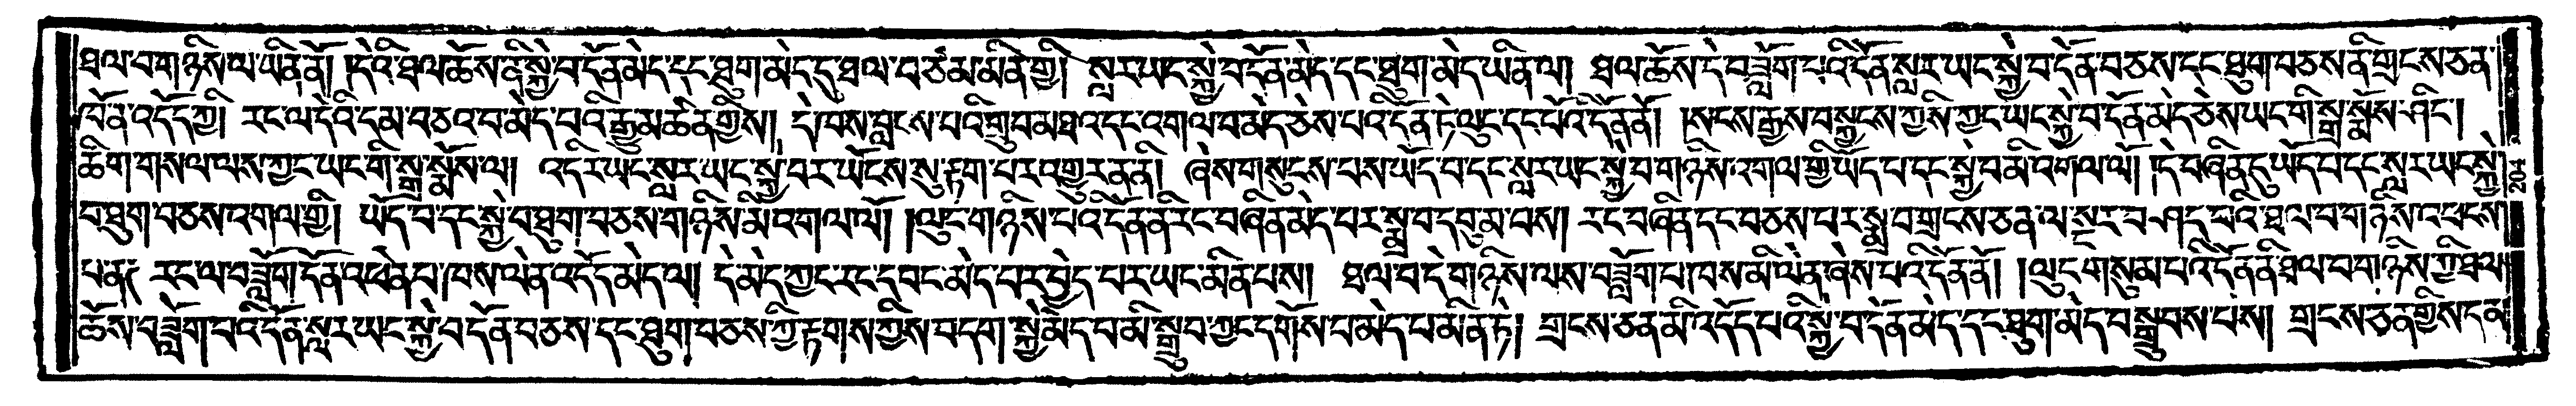ཐལ་བ་གཉིས་ལ་ཡིན་ནོ། དེའི་ཐལ་ཆོས་ནི་སྐྱེ་བ་དོན་མེད་དང་ཐུག་མེད་དུ་ཐལ་བ་ཙམ་མིན་གྱི། སླར་ཡང་སྐྱེ་བ་དོན་མེད་དང་ཐུག་མེད་ཡིན་ལ། ཐལ་ཆོས་དེ་བཟློག་པའི་དོན་སླར་ཡང་སྐྱེ་བ་དོན་བཅས་དང་ཐུག་བཅས་ནི་གྲངས་ཅན་
ཁོ་ན་འདོད་ཀྱི། རང་ལ་དེའི་དམ་བཅའ་བ་མེད་པའི་རྒྱུ་མཚན་གྱིས། དེ་ཁས་བླངས་པའི་གྲུབ་མཐའ་དང་འགལ་བ་མེད་ཅེས་པའི་དོན་ཏེ་ལུང་དང་པོའི་དོན་ནོ། །སངས་རྒྱས་བསྐྱངས་ཀྱིས་ཀྱང་ཡང་སྐྱེ་བ་དོན་མེད་ཅེས་ཡང་གི་སྒྲ་སྨོས་ཤིང་།
ཚིག་གསལ་ལས་ཀྱང་ཡང་གི་སྒྲ་སྨོས་ལ། འདིར་ཡང་སླར་ཡང་སྐྱེ་བར་ཡོངས་སུ་རྟོག་པར་འགྱུར་ན་ནི། ཞེས་གསུངས་པས་ཡོད་པ་དང་སླར་ཡང་སྐྱེ་བ་གཉིས་འགལ་གྱི་ཡོད་པ་དང་སྐྱེ་བ་མི་འགལ་ལོ། །དེ་བཞིན་དུ་ཡོད་པ་དང་སླར་ཡང་སྐྱེ་
བ་ཐུག་བཅས་འགལ་གྱི། ཡོད་པ་དང་སྐྱེ་བ་ཐུག་བཅས་གཉིས་མི་འགལ་ལོ། །ལུང་གཉིས་པའི་དོན་ནི་རང་བཞིན་མེད་པར་སྨྲ་བ་དབུ་མ་པས། རང་བཞིན་དང་བཅས་པར་སྨྲ་བ་གྲངས་ཅན་ལ་སྔར་བཤད་པའི་ཐལ་བ་གཉིས་འཕངས་
པ་ན༑ རང་ལ་བཟློག་དོན་འཕེན་པ་ཁས་ལེན་འདོད་མེད་ལ། དེ་མེད་ཀྱང་རང་དབང་མེད་པར་བྱེད་པར་ཡང་མིན་པས། ཐལ་བ་དེ་གཉིས་ལས་བཟློག་པ་ཁས་མི་ལེན་ཞེས་པའི་དོན་ནོ། །ལུང་གསུམ་པའི་དོན་ནི་ཐལ་བ་གཉིས་ཀྱི་ཐལ་
ཆོས་བཟློག་པའི་དོན་སླར་ཡང་སྐྱེ་བ་དོན་བཅས་དང་ཐུག་བཅས་ཀྱི་རྟགས་ཀྱིས་བདག་སྐྱེ་མེད་པ་མི་སྒྲུབ་ཀྱང་དགོས་པ་མེད་པ་མིན་ཏེ། གྲངས་ཅན་མི་འདོད་པའི་སྐྱེ་བ་དོན་མེད་དང་ཐུག་མེད་བསྒྲུབས་པས། གྲངས་ཅན་གྱིས་དམ་